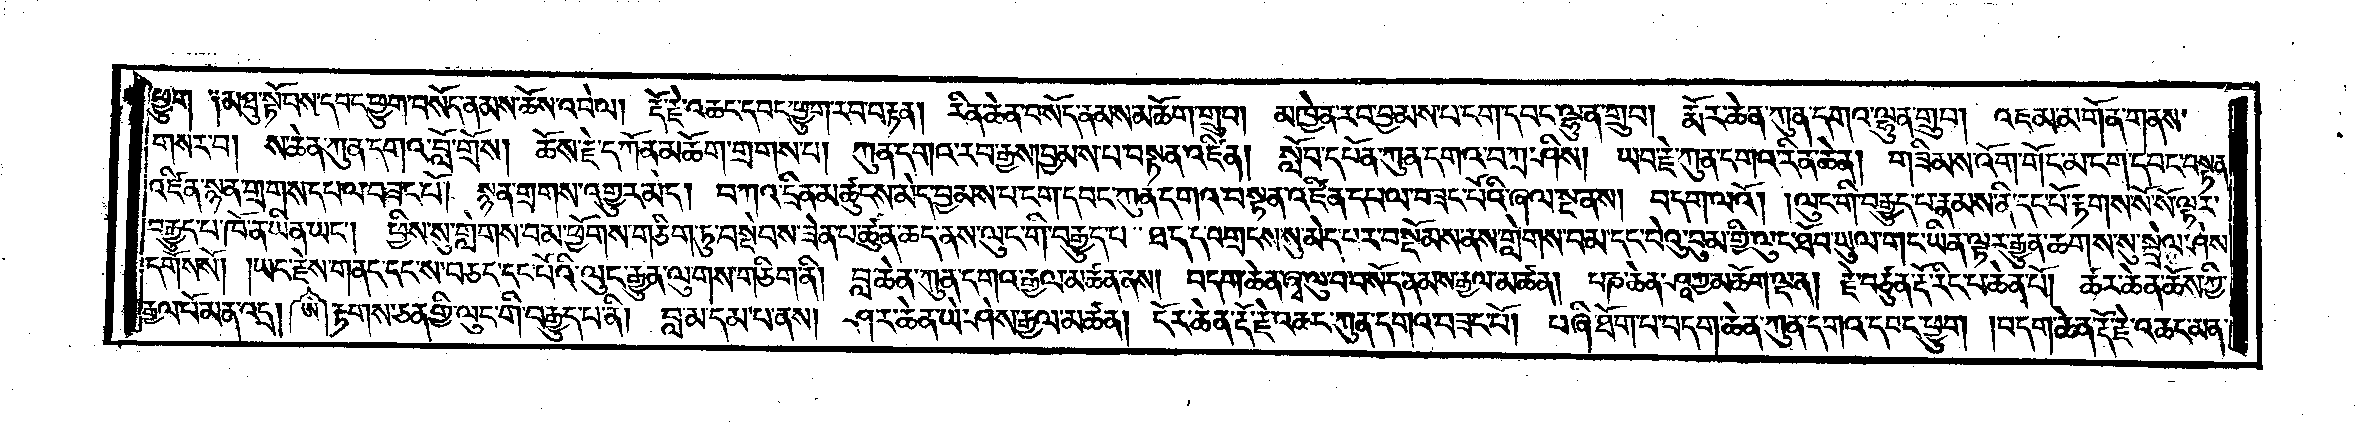ཕྱུག ༑མཐུ་སྟོབས་དབང་ཕྱུག་བསོད་ནམས་ཆོས་འབེལ། རྡོ་རྗེ་འཆང་དབང་ཕྱུག་རབ་བརྟན། རིན་ཆེན་བསོད་ནམས་མཆོག་གྲུབ། མཁྱེན་རབ་བྱམས་པ་ངག་དབང་ལྷུན་གྲུབ། རྨོར་ཆེན་ཀུན་དགའ་ལྷུན་གྲུབ། འཇམ་མགོན་གནས་
གསར་བ། ས་ཆེན་ཀུན་དགའ་བློ་གྲོས། ཆོས་རྗེ་དཀོན་མཆོག་གྲགས་པ། ཀུན་དགའ་རབ་རྒྱས། བྱམས་པ་བསྟན་འཛིན། སློབ་དཔོན་ཀུན་དགའ་བཀྲ་ཤིས། ཡབ་རྗེ་ཀུན་དགའ་རིན་ཆེན། གཟིམས་འོག་གོང་མ་ངག་དབང་བསྟན་
འཛིན་སྙན་གྲགས་དཔལ་བཟང་པོ། སྙན་གྲགས་འགྱུར་མེད། བཀའ་དྲིན་མཚུངས་མེད་བྱམས་པ་ངག་དབང་ཀུན་དགའ་བསྟན་འཛིན་དཔལ་བཟང་པོའི་ཞལ་སྔ་ནས། བདག་ལའོ། །ལུང་གི་བརྒྱུད་པ་རྣམས་ནི་དང་པོ་རྟགས་སོ་སོ་ལྟར་
བརྒྱུད་པ་ཁོ་ན་ཡིན་ཡང་། ཕྱིས་སུ་གླེགས་བམ་ཕྱོགས་གཅིག་ཏུ་བསྡེབས་ཟེན་པ་ཚུན་ཆད་ནས་ལུང་གི་བརྒྱུད་པ་ཐད་ད་བགྲངས་སུ་མེད་པར་བསྡོམས་ནས་གླེགས་བམ་དང་བེའུ་བུམ་གྱི་ལུང་ཐོབ་ཡུལ་གང་ཡིན་ལྟར་རྒྱུན་ཆགས་སུ་སྦྲེལ་ཤེས་
དགོས་སོ། །ཡང་རྗེས་གནང་དང་ས་བཅད་དང་པོའི་ལུང་རྒྱུན་ལུགས་གཅིག་ནི། བླ་ཆེན་ཀུན་དགའ་རྒྱལ་མཚན་ནས། བདག་ཆེན་ཞྭ་ལུ་བ་བསོད་ནམས་རྒྱལ་མཚན། པཎ་ཆེན་ཤཱཀྱ་མཆོག་ལྡན། རྗེ་བཙུན་རྡོ་རིང་པ་ཆེན་པོ། ཚར་ཆེན་ཆོས་ཀྱི་
རྒྱལ་པོ་མན་འདྲ། ༼ཨ༽ རྟགས་ཅན་གྱི་ལུང་གི་བརྒྱུད་པ་ནི། བླ་མ་དམ་པ་ནས། ཤར་ཆེན་ཡེ་ཤེས་རྒྱལ་མཚན། ངོར་ཆེན་རྡོ་རྗེ་འཆང་ཀུན་དགའ་བཟང་པོ། བཞི་ཐོག་པ་བདག་ཆེན་ཀུན་དགའ་དབང་ཕྱུག །བདག་ཆེན་རྡོ་རྗེ་འཆང་མན་